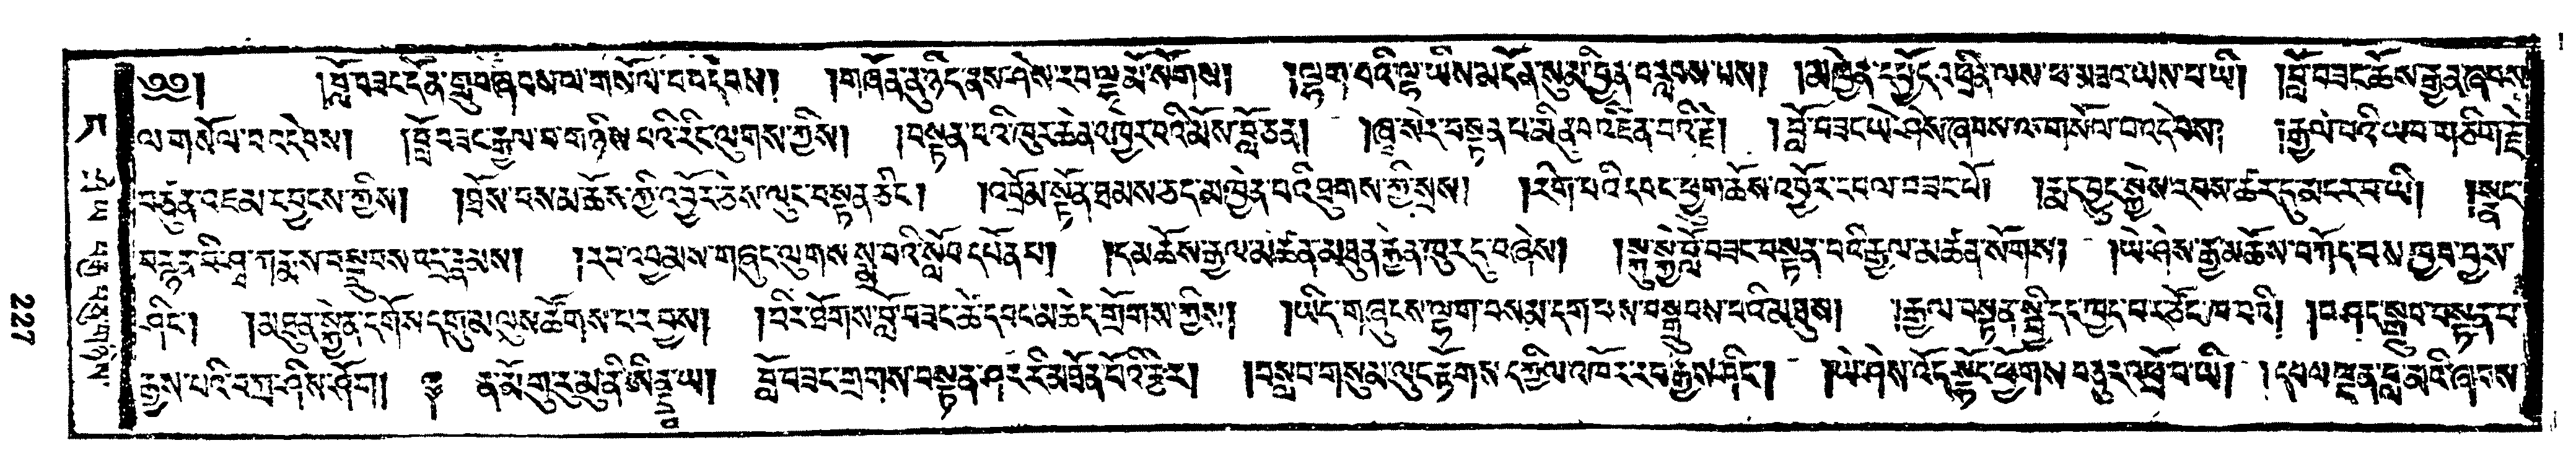༄༅། །བློ་བཟང་དོན་གྲུབ་ཞབས་ལ་གསོལ་བ་འདེབས། །གཞོན་ནུ་ཉིད་ནས་ཤེས་རབ་ལྷ་མོ་སོགས། །ལྷག་བའི་ལྷ་ཡིས་མངོན་སུམ་བྱིན་བརླབས་པས། །མཁྱེན་དཔྱོད་འཕྲིན་ལས་ཕ་མཐའ་ཡས་པ་ཡི། །བློ་བཟང་ཆོས་རྒྱན་ཞབས་
ལ་གསོལ་བ་འདེབས། །བློ་བཟང་རྒྱལ་བ་གཉིས་བའི་རིང་ལུགས་ཀྱིས། །བསྟན་བའི་ཁུར་ཆེན་འཁྱེར་བའི་མོས་བློ་ཅན། །ཞྭ་སེར་བསྟན་པ་མི་ནུབ་འཛིན་བའི་རྗེ། །བློ་བཟང་ཡེ་ཤེས་ཞབས་ལ་གསོལ་བ་འདེབས། །རྒྱལ་བའི་ཡབ་གཅིག་རྗེ་
བཙུན་འཇམ་དབྱངས་ཀྱིས། །ཐོས་བསམ་ཆོས་ཀྱི་འབྱོར་ཅེས་ལུང་བསྟན་ཅིང་། །འབྲོམ་སྟོན་ཐམས་ཅད་མཁྱེན་པའི་ཐུགས་ཀྱི་སྲས། །རིག་པའི་དབང་ཕྱུག་ཆོས་འབྱོར་དཔལ་བཟང་པོ། །རྨད་བྱུང་སྐྱེས་རབས་ཚར་དུ་མངར་བ་ཡི། །སྣང་
བརྙན་བི་ཤྭ་ཀརྨས་བསྒྲུབས་འདྲ་རྣམས། །རབ་འབྱམས་གཞུང་ལུགས་སྨྲ་བའི་སློབ་དཔོན་པ། །དམ་ཆོས་རྒྱལ་མཚན་མཐུན་རྐྱེན་ཁུར་དུ་བཞེས། །སྐུ་སྐྱེ་བློ་བཟང་བསྟན་པའི་རྒྱལ་མཚན་སོགས། །ཡེ་ཤེས་རྒྱ་མཆོས་བཀོད་བས་ཁྱབ་བྱས་
ཤིང་། །མཐུན་སྐྱེན་དགོས་དགུ་མ་ལུས་ཚོགས་པར་བྱས། །བིར་ཐོགས་བློ་བཟང་ཚེ་དབང་མཆེད་གྲོགས་ཀྱིས། །ཡིད་གཞུང་ས་ལྷག་བསམ་དག་པས་བསྒྲུབས་པའི་མཐུས། །རྒྱལ་བསྟན་སྤྱི་དང་ཁྱད་པར་ཙོང་ཁ་བའི། །བཤད་སྒྲུབ་བསྟན་པ་
རྒྱས་པའི་བཀྲ་ཤིས་ཤོག། ༈ ན་མོ་གུ་རུ་མུ་ནི་ཨིནྡྲཱ་ཡ། བློ་བཟང་གྲགས་བསྟན་ཤར་རི་མཐོན་པོའི་རྩེར། །བསླབ་གསུམ་ལུང་རྟོགས་དཀྱིལ་འཁོར་རབ་རྒྱས་ཤིང་། །ཡེ་ཤེས་འོད་སྟོང་ཕྱོགས་བཅུར་འཕྲོ་བ་ཡི། །དཔལ་ལྡན་བླ་མའི་ཞབས་